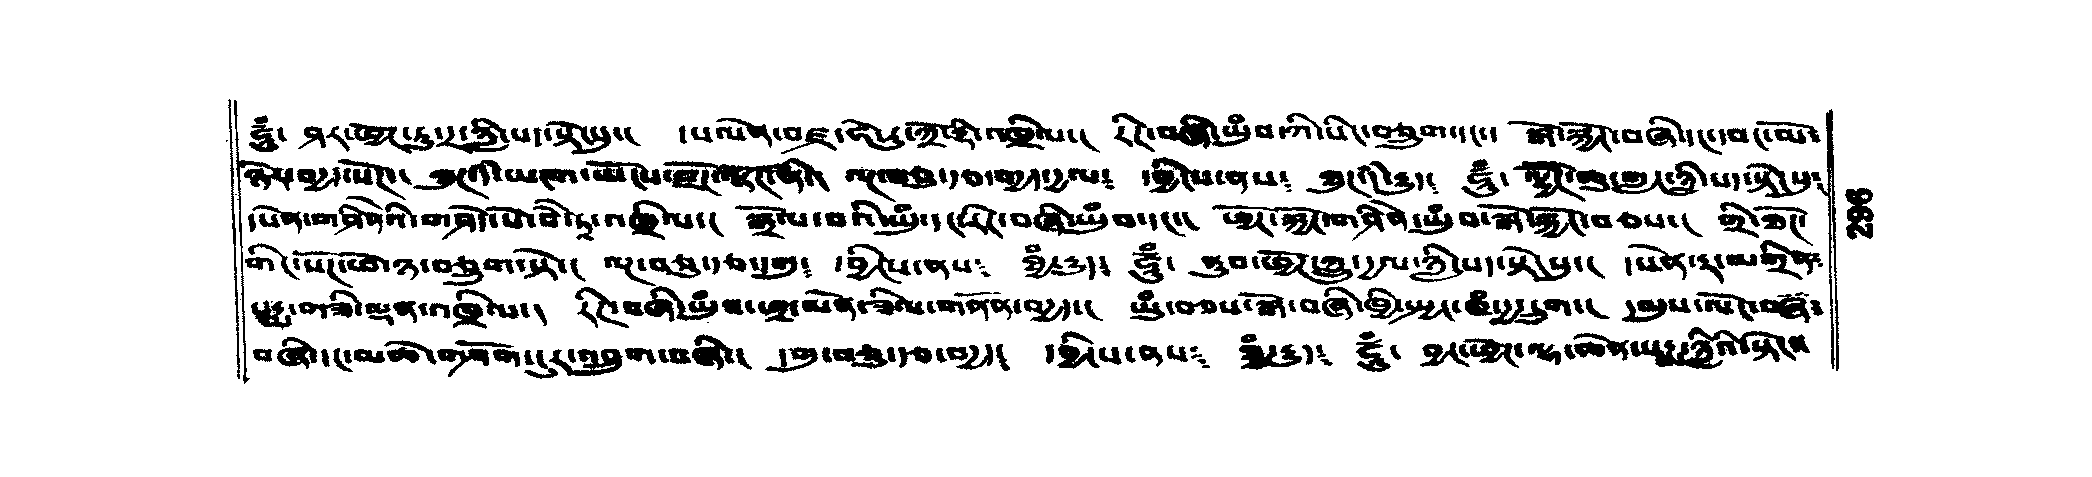ཤར་ཕྱོགས་རུ་དྲ་ཉི་ཟླ་པད་སྟེང་དུ། །དཔལ་ལེན་བཛྲ་ཧེ་རུ་ཀྲོ་དྷི་འཁྲིལ། །རིགས་བཞི་ཡབ་ཡུམ་ཀི་པིང་བཅུ་དྲུག་དང་། །སྒོ་སྐྱོང་བཞི་དང་དབང་མོ་
ཉེར་བརྒྱད་སོགས། །ཐུགས་དམ་ཡང་དག་ཡོངས་རྫོགས་ལྷ་ཚོགས་ནི། ། ལྔ་བཅུ་རྩ་བརྒྱད་རྒྱལ་༴ དབྱིངས་ནས་༴ ཐུགས་དམ་རྒྱུད་༴ ཧཱུྃ། ལྷ་ཚོགས་ཆུ་གླང་ཉི་ཟླ་པད་སྟེང་དུ། །སྡེ་
དཔོན་གཤིན་རྗེའི་གཤེད་པོ་བཻ་ཏཱ་འཁྲིལ། །སྒྲོལ་བའི་ཡུམ་དང་རིགས་བཞི་ཡབ་ཡུམ་དང་། །ཕྱོགས་སྐྱོང་གཤིན་རྗེ་ཡབ་ཡུམ་སྒོ་སྐྱོང་བཅས། །གྲི་ཐོགས་
གིང་སོགས་ཕོ་ཉ་བཅུ་དྲུག་སྟེ། །ལྔ་བཅུ་རྩ་དགུ་༴དབྱིངས་ནས་༴ ཐུགས་དམ་རྒྱུད་༴ ཧཱུྃ། ནུབ་ཕྱོགས་ཀླུ་རྒྱལ་ཉི་ཟླ་པད་སྟེང་དུ། །སྡེ་དཔོན་རྟ་མགྲིན་
པདྨ་གཟི་ལྡན་འཁྲིལ། །རིགས་བཞི་ཡབ་ཡུམ་ཕྲ་མེན་ཟིལ་གནོན་བརྒྱད། །ཡུམ་བཅས་སྒོ་བཞི་ཁྱི་སྤྱང་ཁཾ་རྒྱ་དྲུག། དམུས་ལོང་
བཞི་དང་མཆེ་མཆོག་ངུར་འབྲུག་བཞི། །དགུ་བཅུ་རྩ་བརྒྱད་༴ དབྱིངས་ནས་༴ ཐུགས་དམ་རྒྱུད་༴ ཧཱུྃ། བྱང་ཕྱོགས་ལྷ་ཆེན་པདྨ་ཉི་ཟླའི་སྟེང་། །